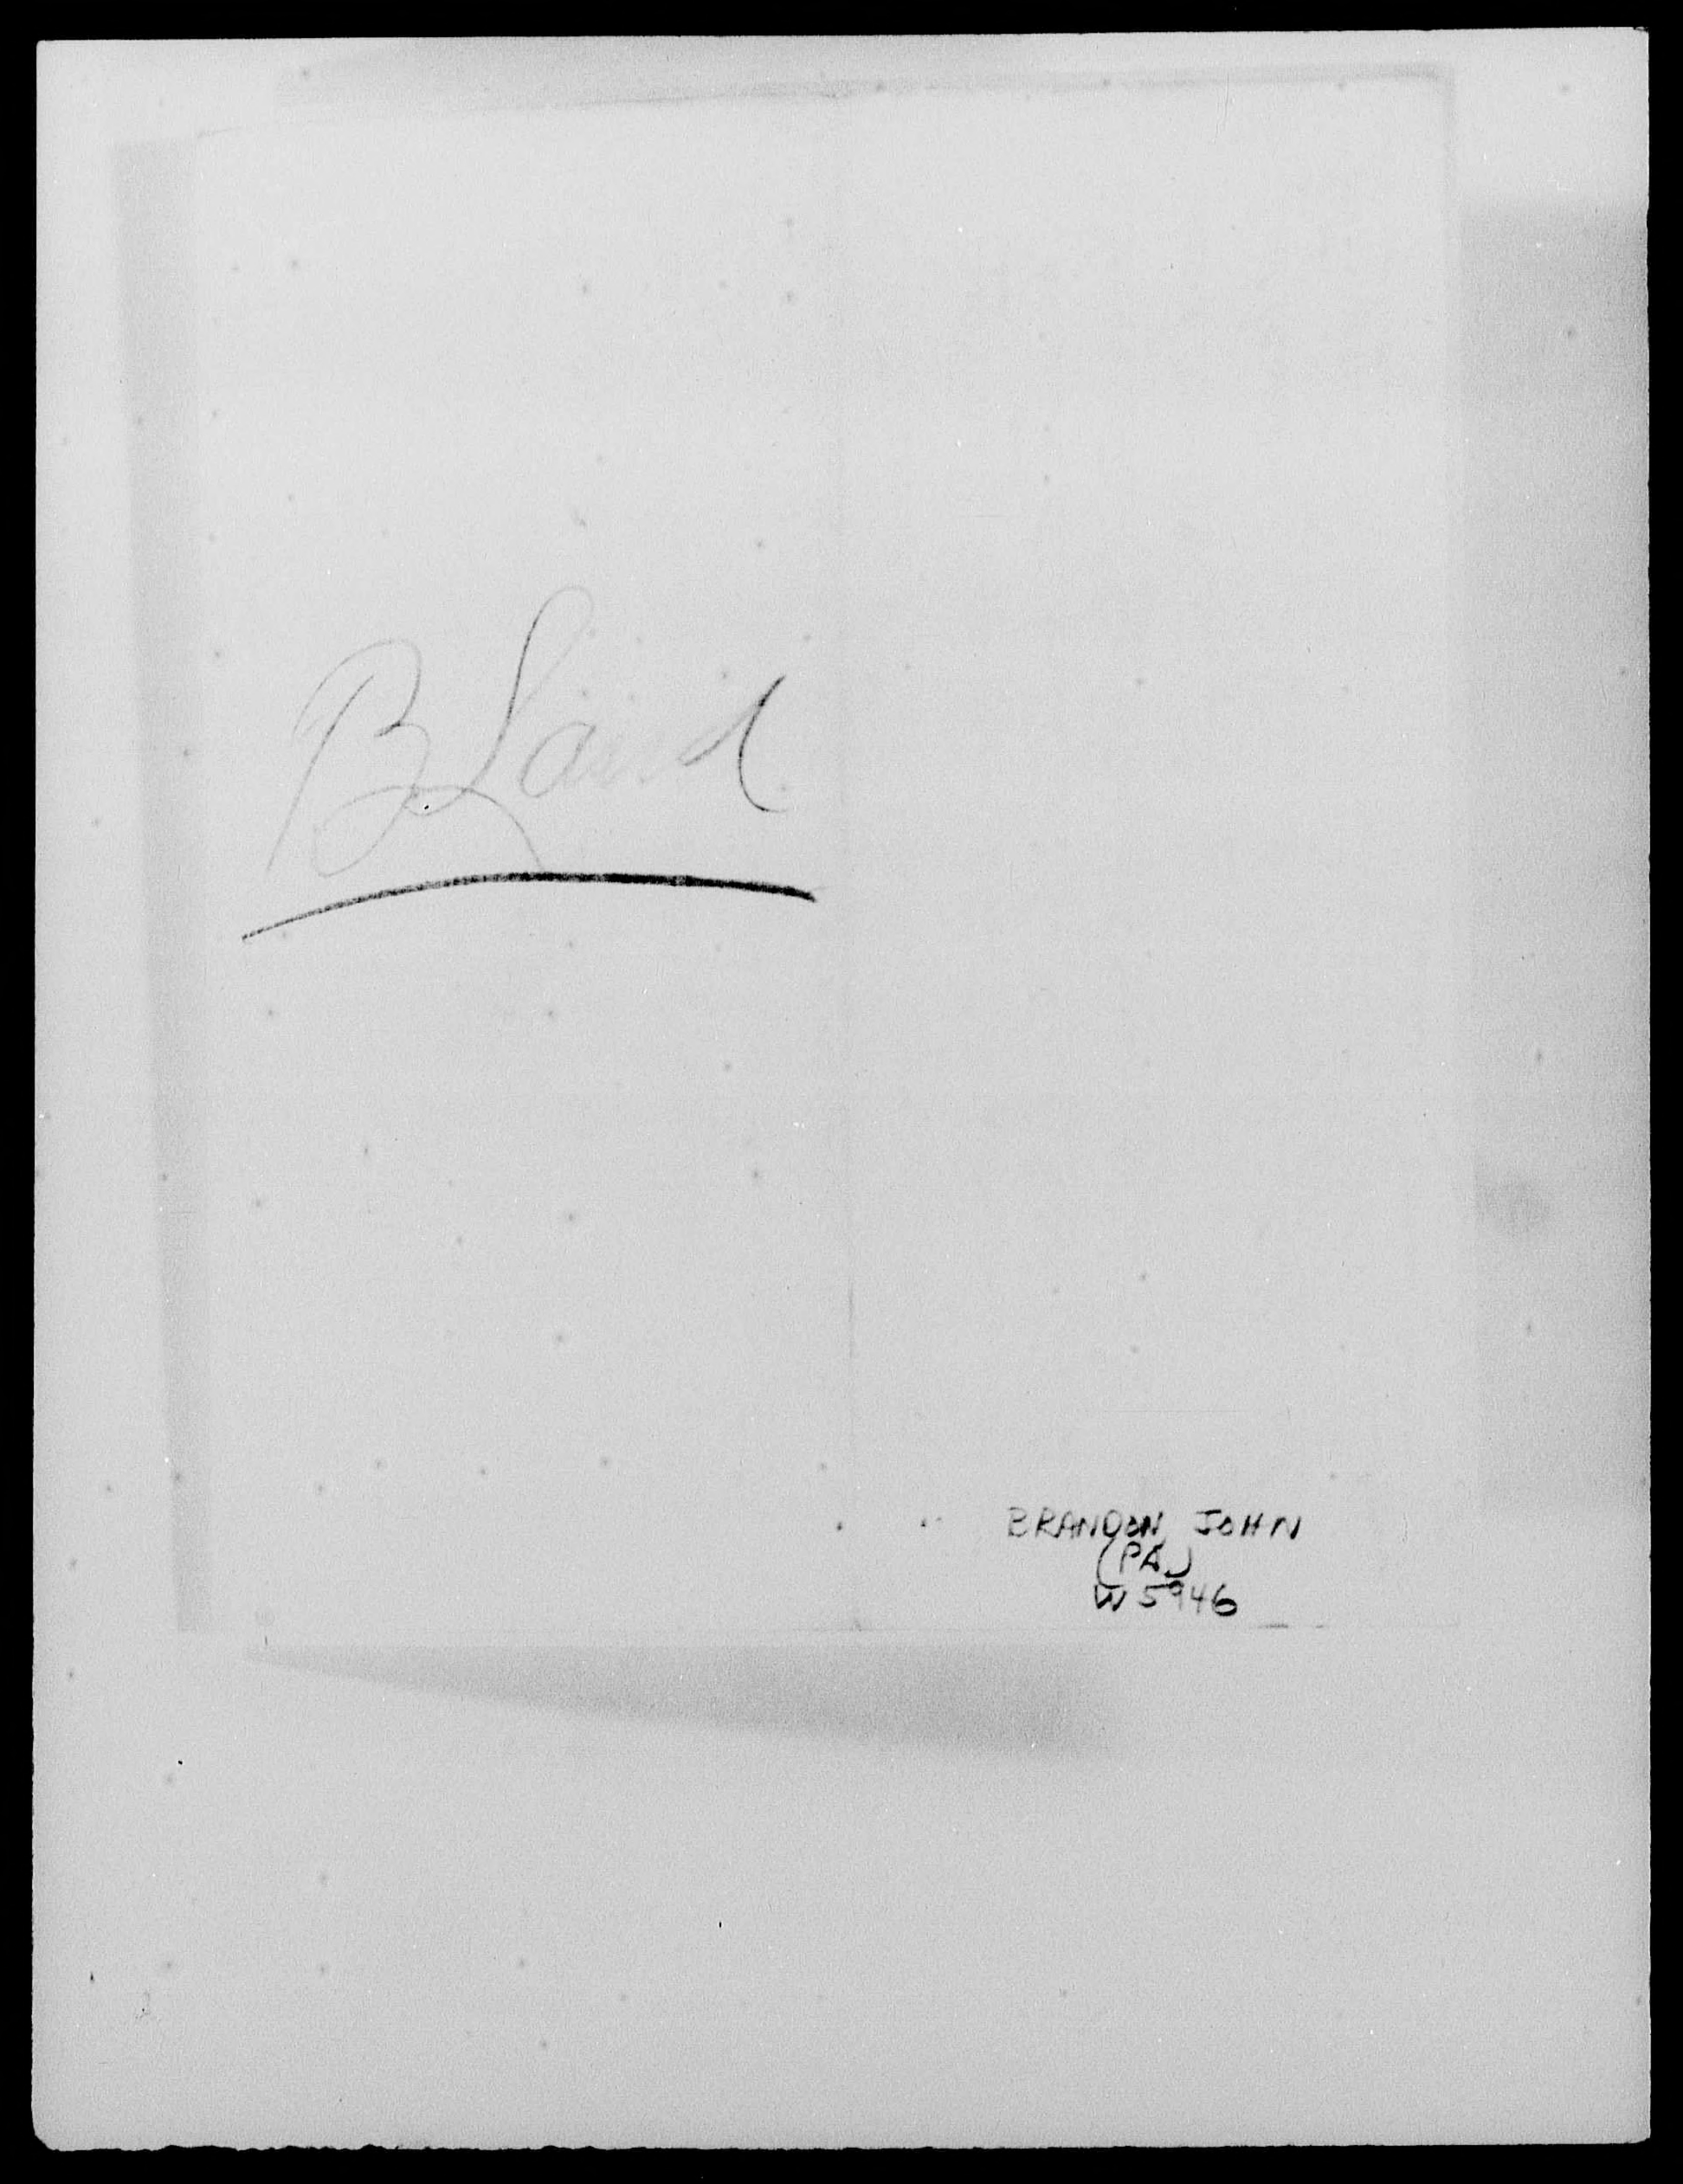B Land

BRANDON JOHN
(PA.)
W 5946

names: John Brandon, B Laird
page: 15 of 83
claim: widow's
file: W. 5946, John Brandon, Penn